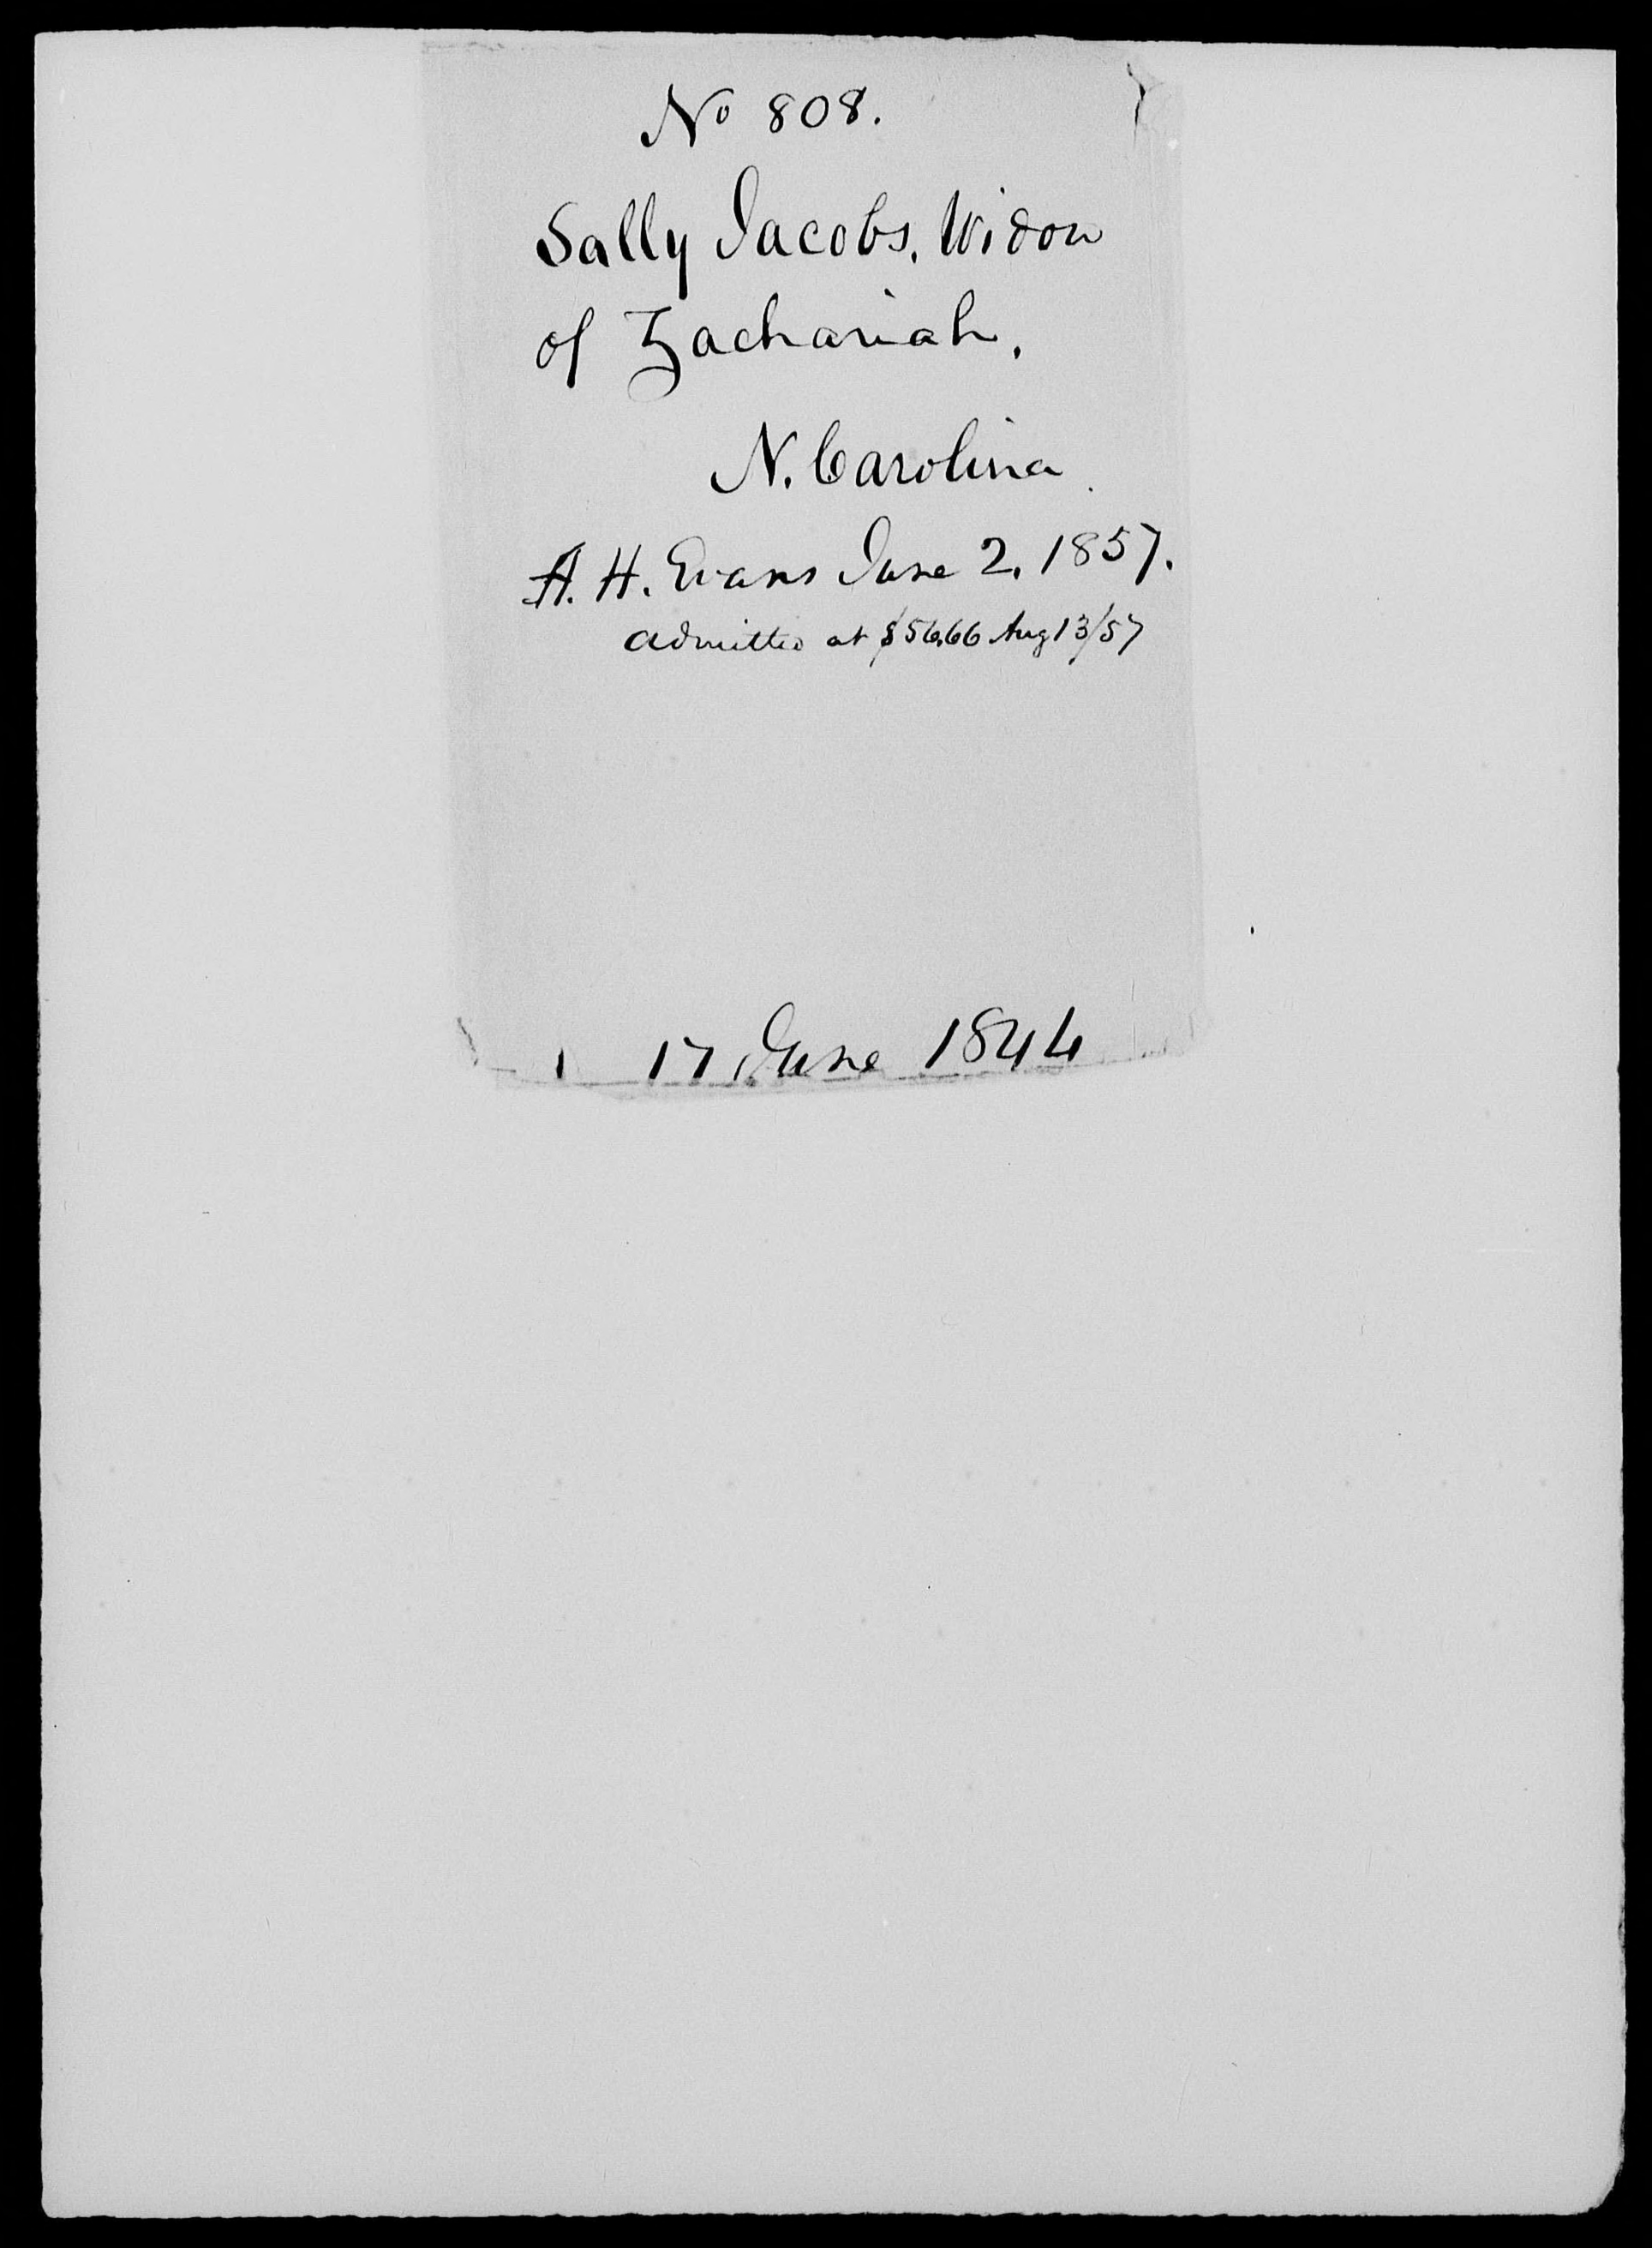No. 808.
Sally Jacobs, Widow
of Zachariah.
        N. Carolina  

A.H. Evans  June 2, 1857
       admitted at $56.66  Aug 13/57




17 June 1844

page: 34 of 40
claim: widow's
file: W. 5304, for Zachariah Jacobs, North Carolina